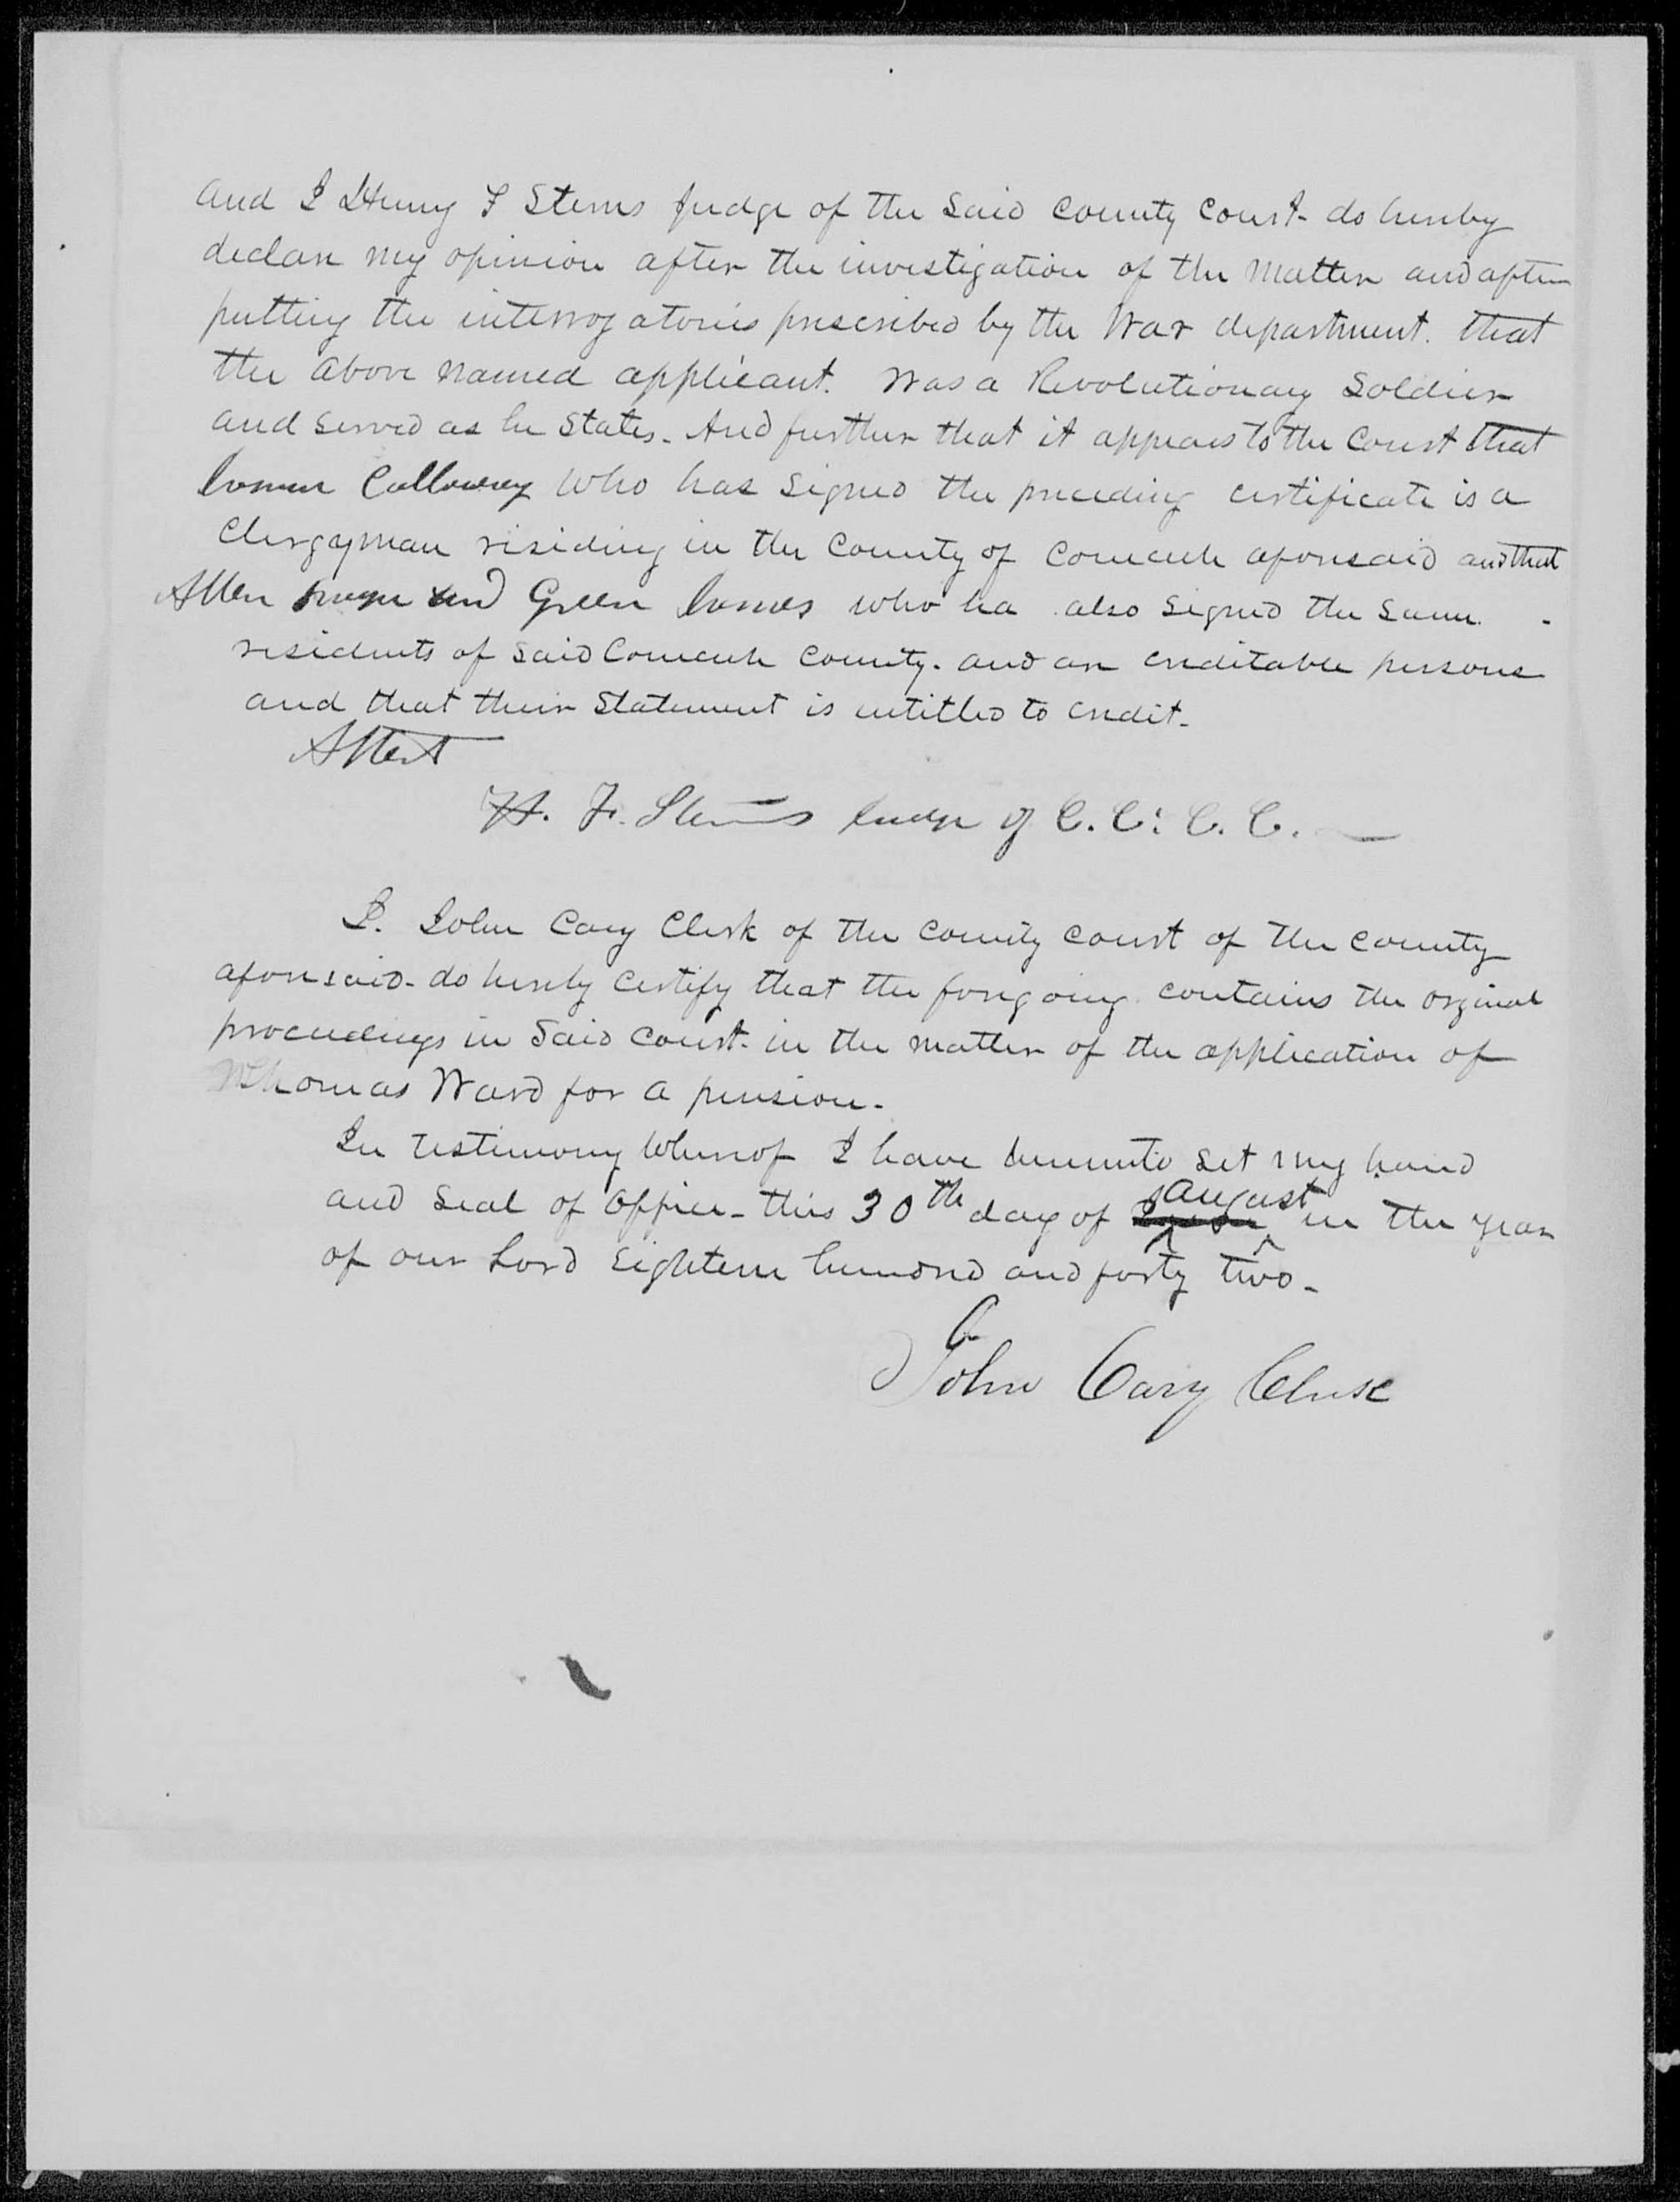and I Henry F Stems Judge of the Said County Court do hereby declare my opinion after the investigation of the Matter and after putting the interrogatories prescribed by the War Department that the above named applicant.  was a Revolutionary Soldier and served as he states. And further that it appears to the Court that James Calloway who has signed the preceeding certificate is a clergyman residing in the County of Conecuh aforesaid and that Allen Page and Green James who ha also signed the same - residents of said Conecuh County. and are creditable persons and that their statement is entitled to credit.
Attest     H. F. Stems  Judge C. C: C. C. ___


I. John Cary Clerk of the County Court of the County aforesaid. do hereby certify that the foregoing contains the original proceedings in Said Court.  in the matter of the application of Thomas Ward for a pension.
In testimony whereof I have hereunto set my hand and seal of Office.  this 30th day of August [crossed out illegible word] in the year of our Lord Eighteen hundred and forty two.
John Cary Clerk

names: Jonas Calloway, John Cary, Thomas Ward, Henry F Stems, Green James, John Cary, H F Stems, Allen Page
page: 10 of 31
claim: survivor's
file: S. 14802, Thomas Ward, S.C.